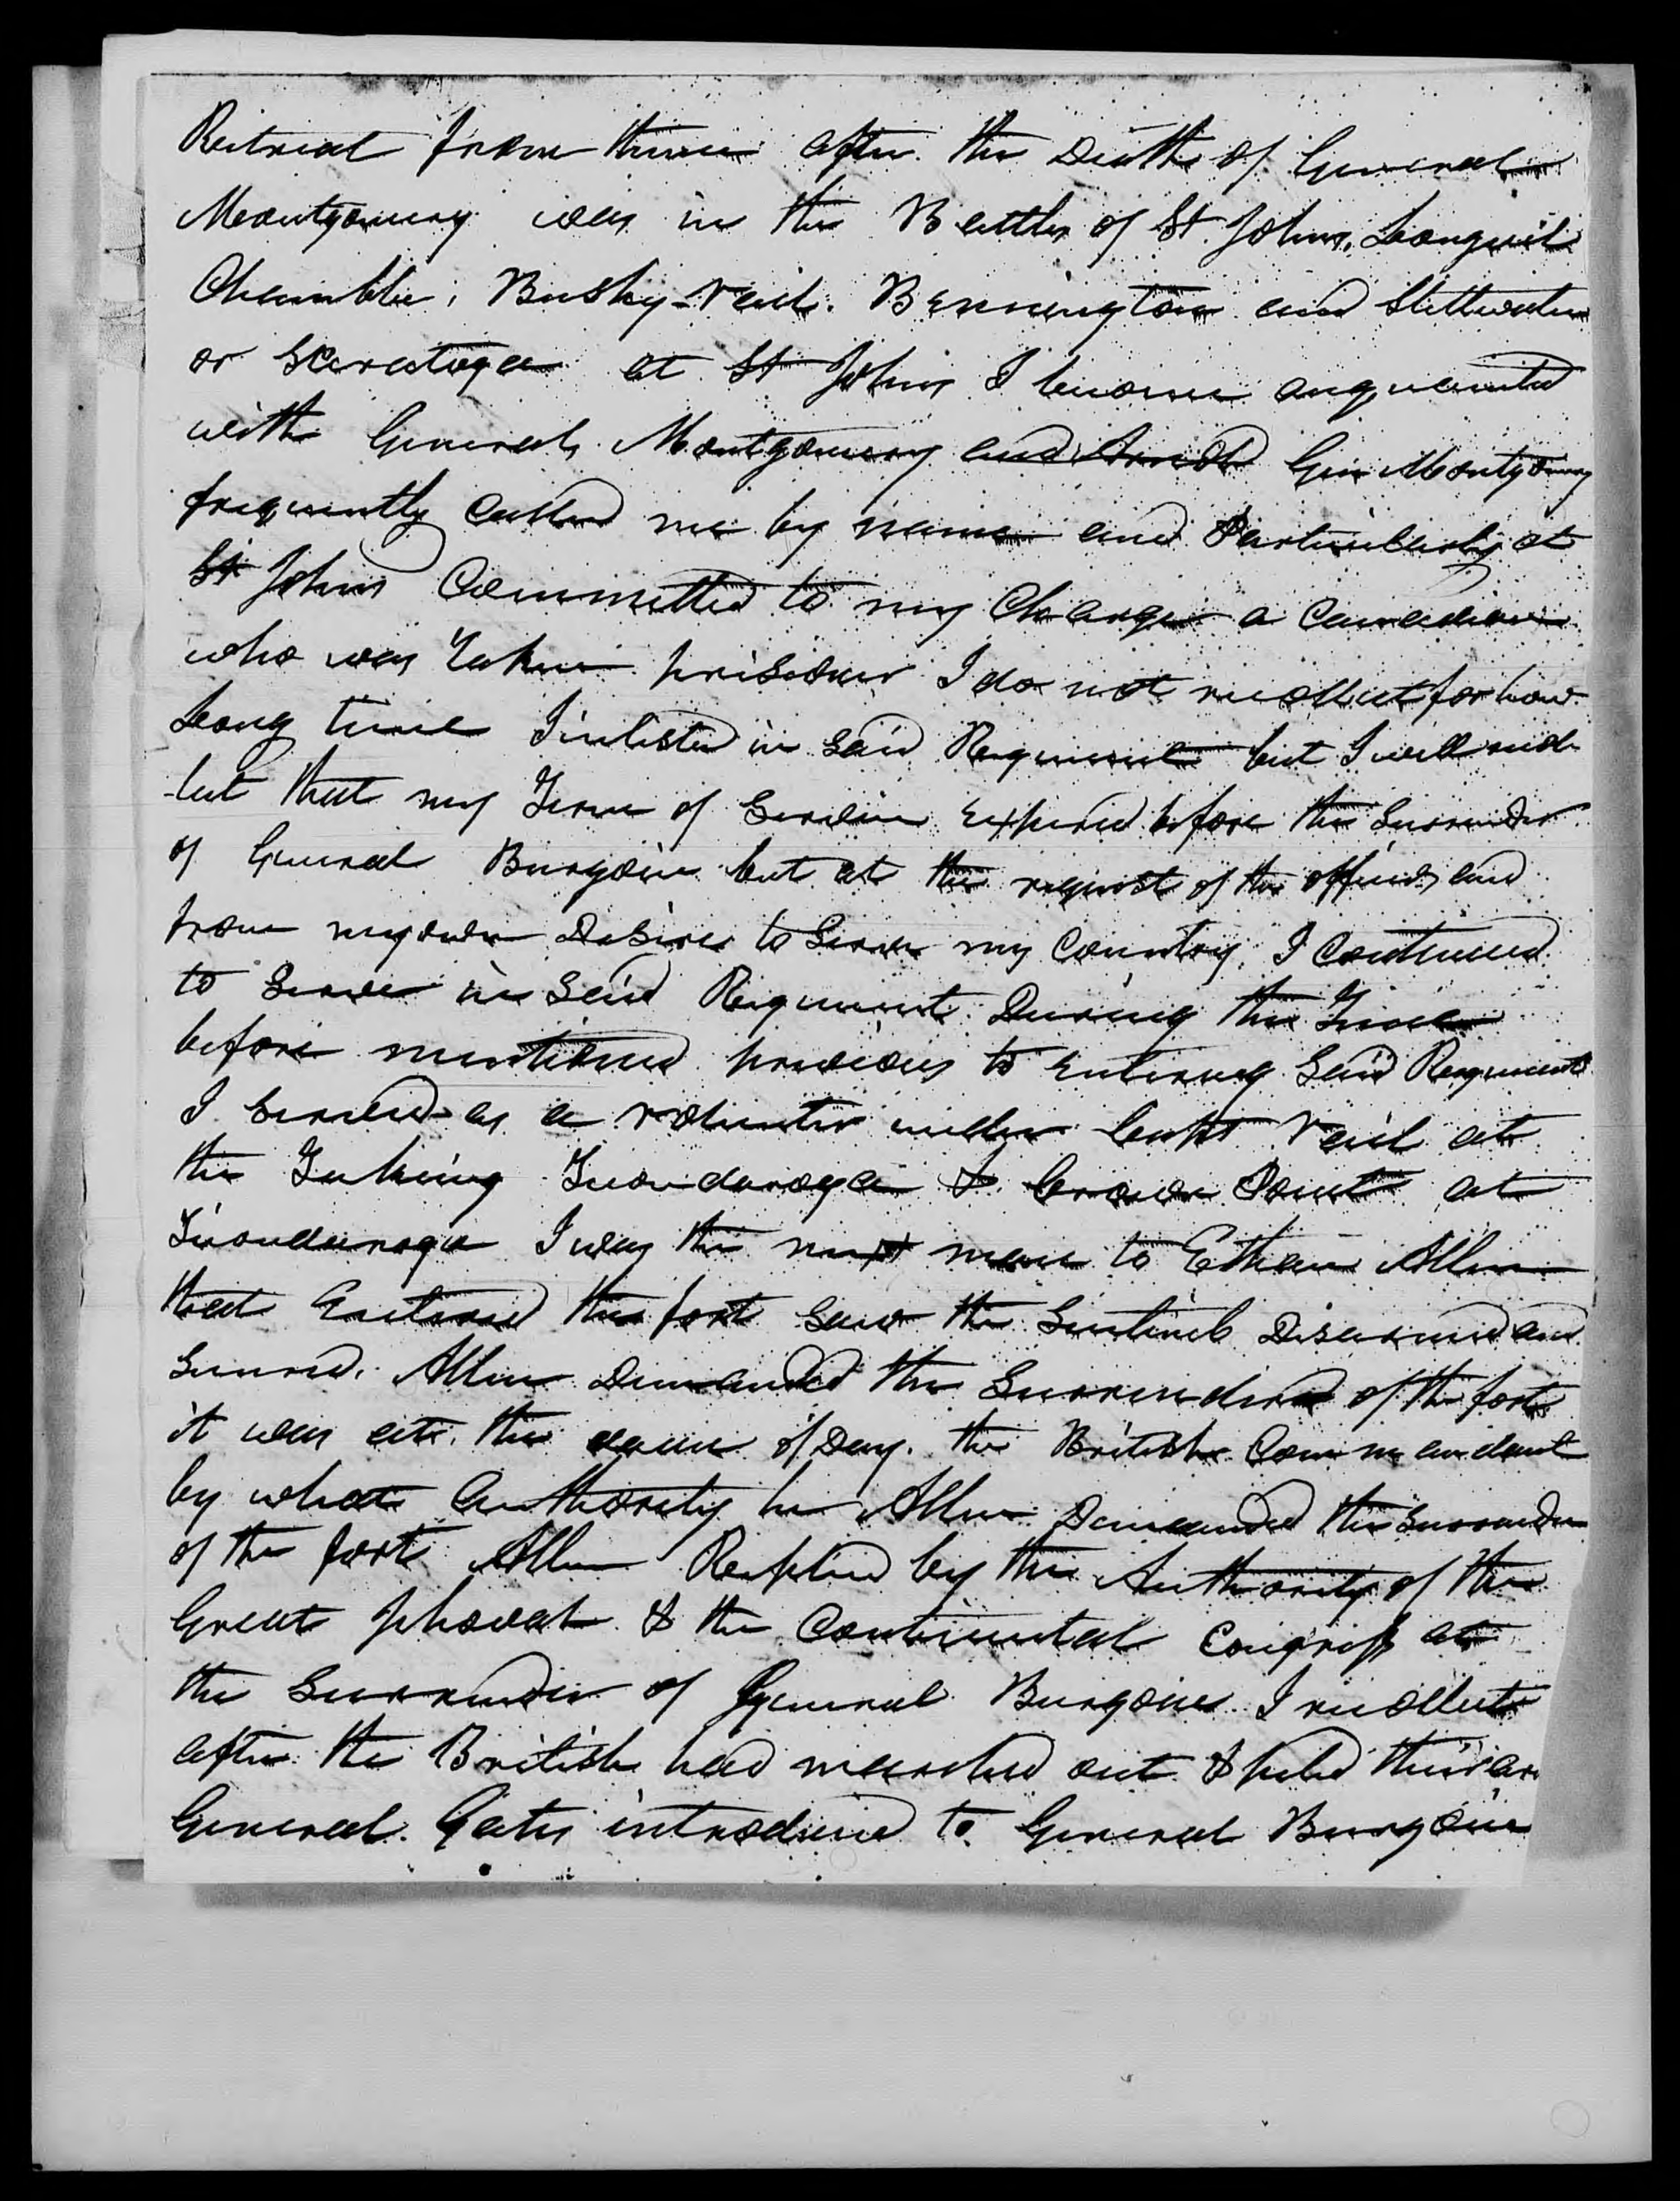Retreat from thence after the death of General
Montgomery. Was in the Battle of St. Johns, Longuile,
Chambly, Bushy Tail, Bennington and Stillwater
or Saratoga. At St John I became acquainted with
Generals Montgomery and Arnold. Gen Montgomery
frequently called me by name and particularly at
St Johns. Committed to my charge a Canadian
who was taken prisoner. I do not recollect for how
long time I enlisted in said Regiment but I well recollect
that my term of service expired before the surrender
of General Burgoyne but at the request of the offices and
from my own desire to serve my country. I continued
to serve in said Regiment. During this [Grade]
before mentioned previous to entering said Regiment
I served as a volunteer with Capt Vail at
the taking of Ticonderoga &  Crown Point. At Ticonderoga I was the next man to Ethan Allen that entered the fort. Saw the sentinel disarmed and secured. Allen demanded the surrender of the fort; it was the dawn of the day. The British commandant [asked] by what authority he, Allen, Demanded the surrender of the fort. Allen Replied by the Authority of this
Great Jehovah & the Continental Congress at 
the Surrender of General Burgoyne. I recollect
after the British had marched out & piled their [arms],
General Gates introduced to General Burgoyne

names: [BLANK] Montgomery; Ethan Allen; [BLANK] Burgoin; [BLANK] Gates; John Longuil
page: 5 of 99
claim: widow's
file: W. 24,482, for Richard Lattin, Vermont